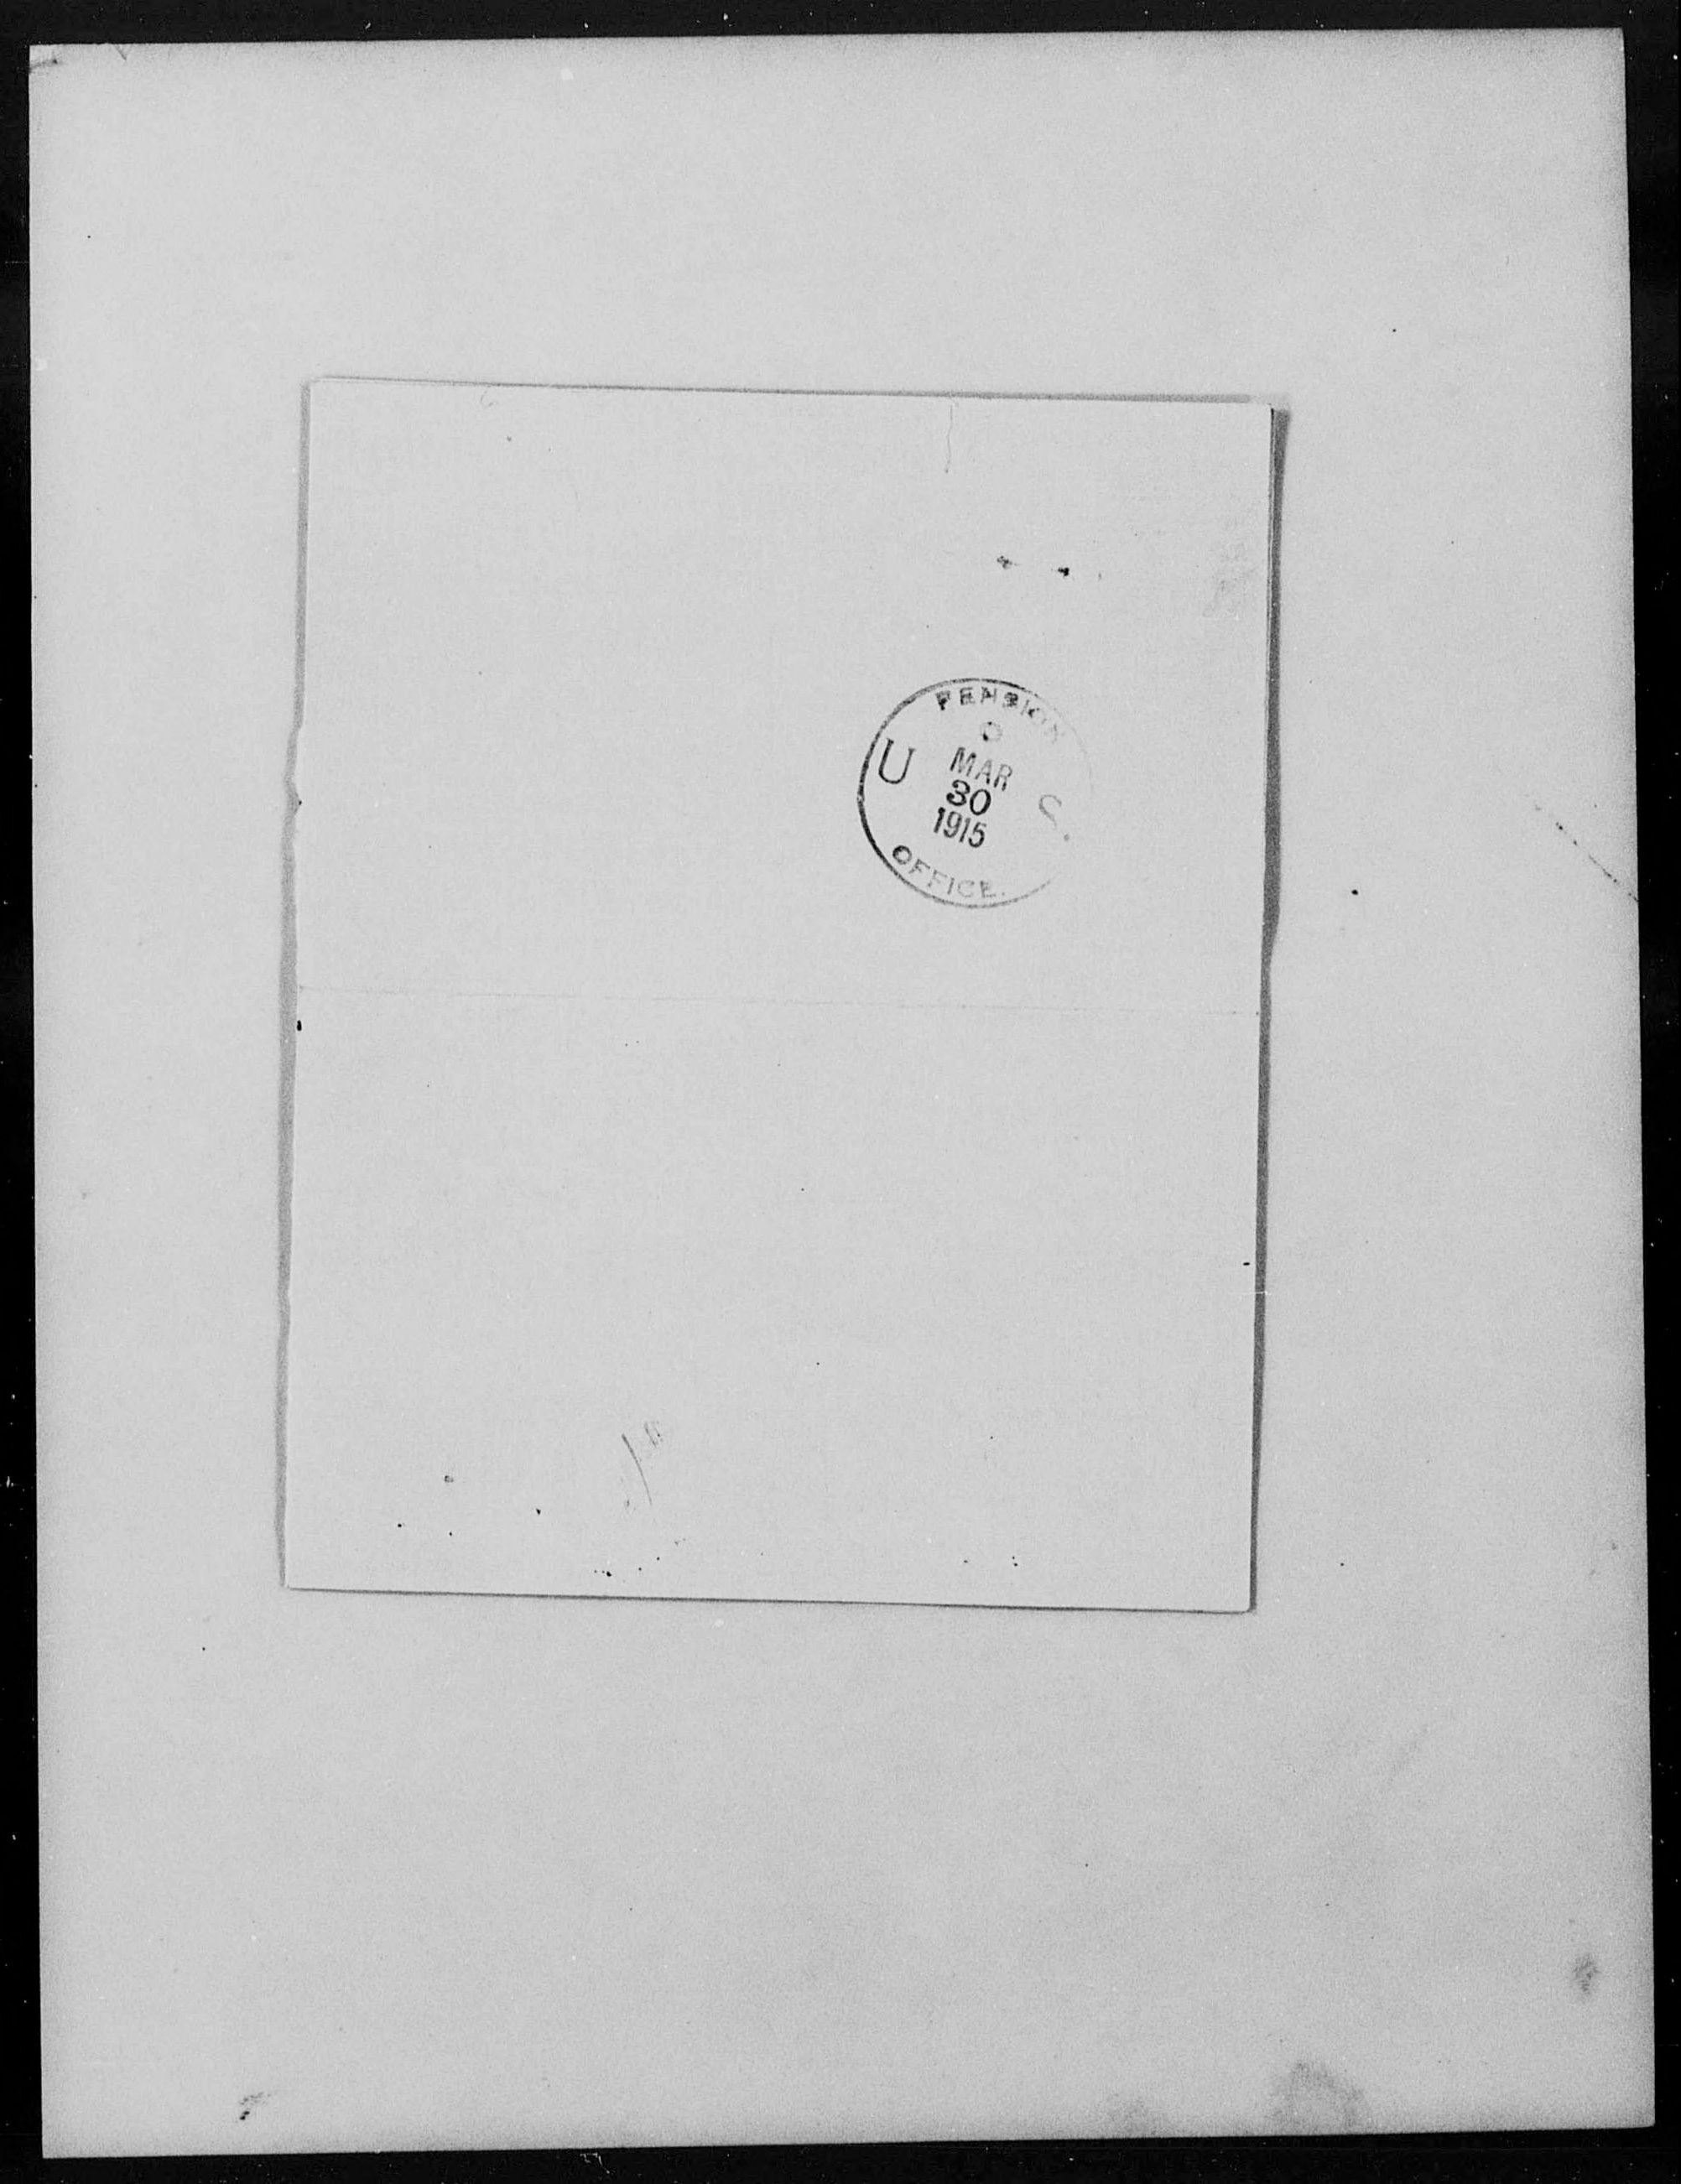US
PENSION OFFICE
MAR 30 1915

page: 21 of 31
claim: survivor's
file: S. 43766, for Amos Parker, Connecticut